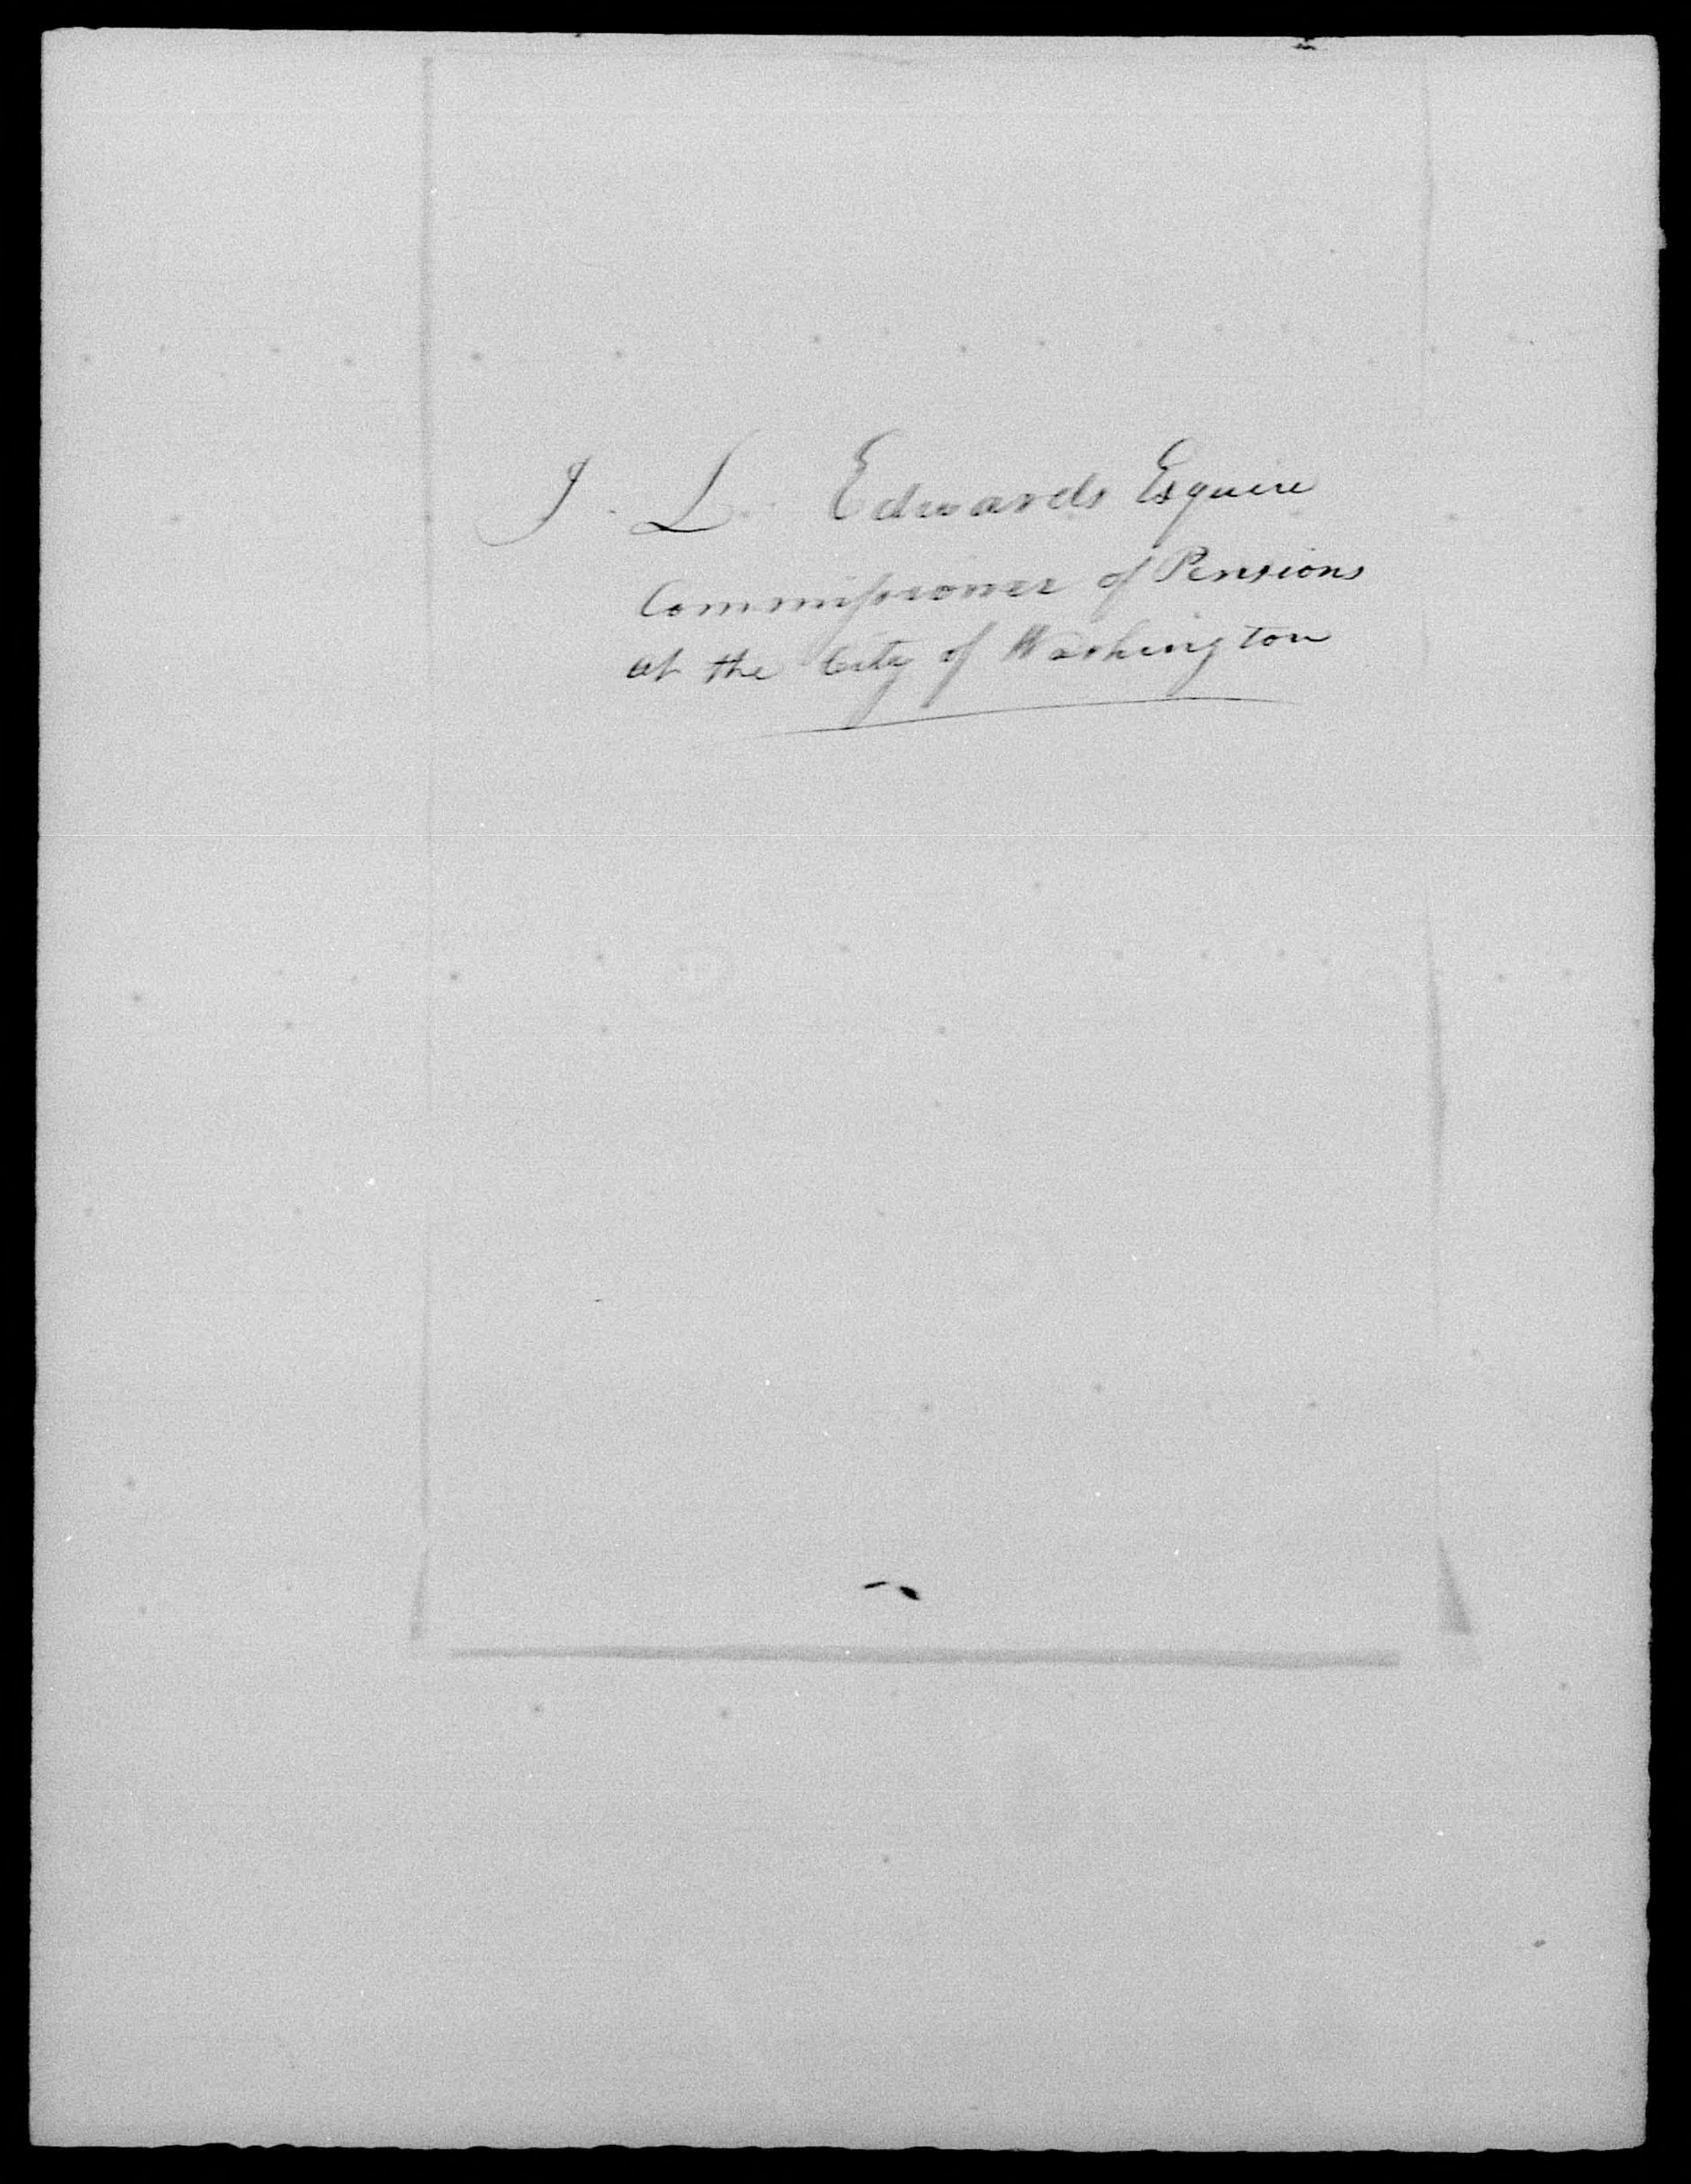J. L Edwards Esquire 
Commissioner of Pensions 
at the City of Washington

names: J L Edwards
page: 35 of 38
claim: widow's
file: W. 24,235, Silvanus French, Mass.